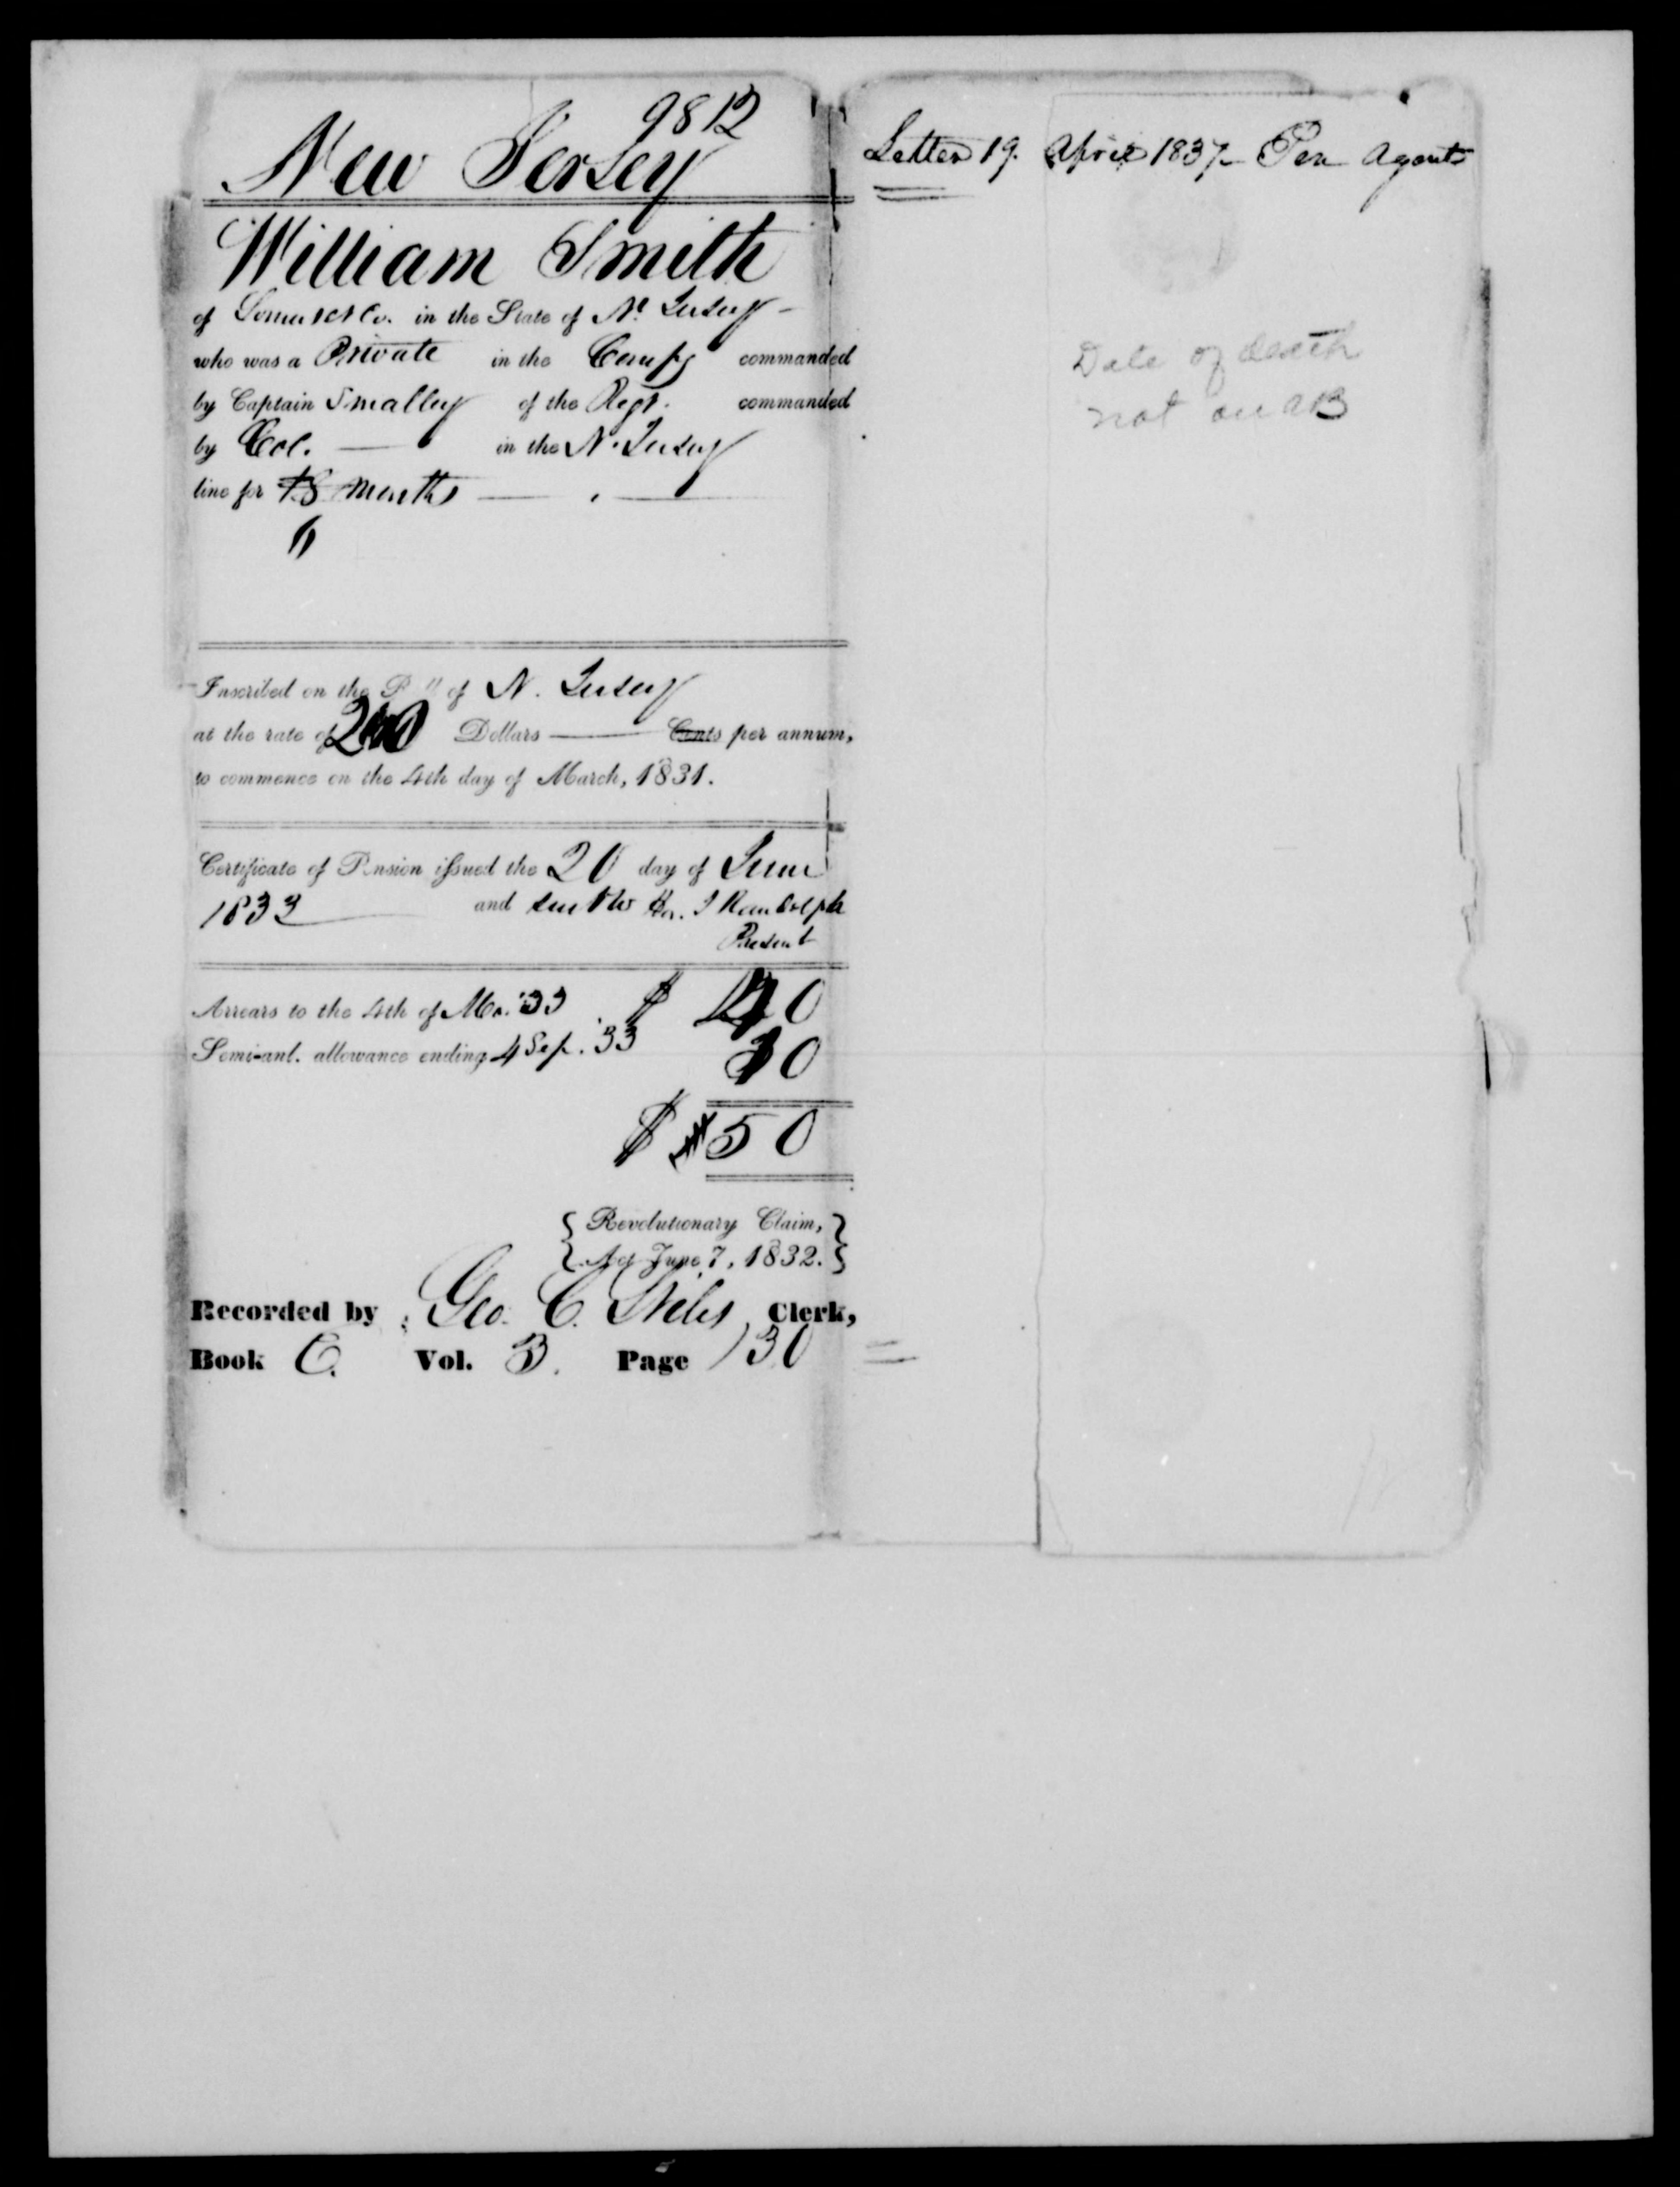[left side:]
9812
New Jersey
---------------
William Smith
of Somerset Co. in the State of N. Jersey
who was a Private in the Compy commanded
by Captain Smalley of the Regt. commanded
by Col. [blank] in the N. Jersey line for 18 months____, _______
----------------------------
Inscribed on the Roll of N. Jersey at the rate of 240 Dollars - ['Cents' crossed out] per annum,
to commence on the 4th day of March, 1831.
----------------------------
Certificate of Pension issued the 20 day of June
1832 and sent to Hon J. Randolph
Present
------------------------------
Arrears to the 4th of Mar. '33                    $40
Semi-anl. allowance ending 4 Sep '33.       10
                                                                     ____
                                                                      $50

{ Revolutionary Claim, }
{Act June 7, 1832. }

Recorded by Geo. C. Stiles, Clerk,
Book C   Vol. 3 Page 130

[right side:]
Letter 19.   April 1837 - Pen Agent


Date of death
not on AB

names: William Smith; Geo C Stiles; J Randolph; [BLANK] Smalley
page: 2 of 27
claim: survivor's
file: S. 915, for William Smith, New Jersey